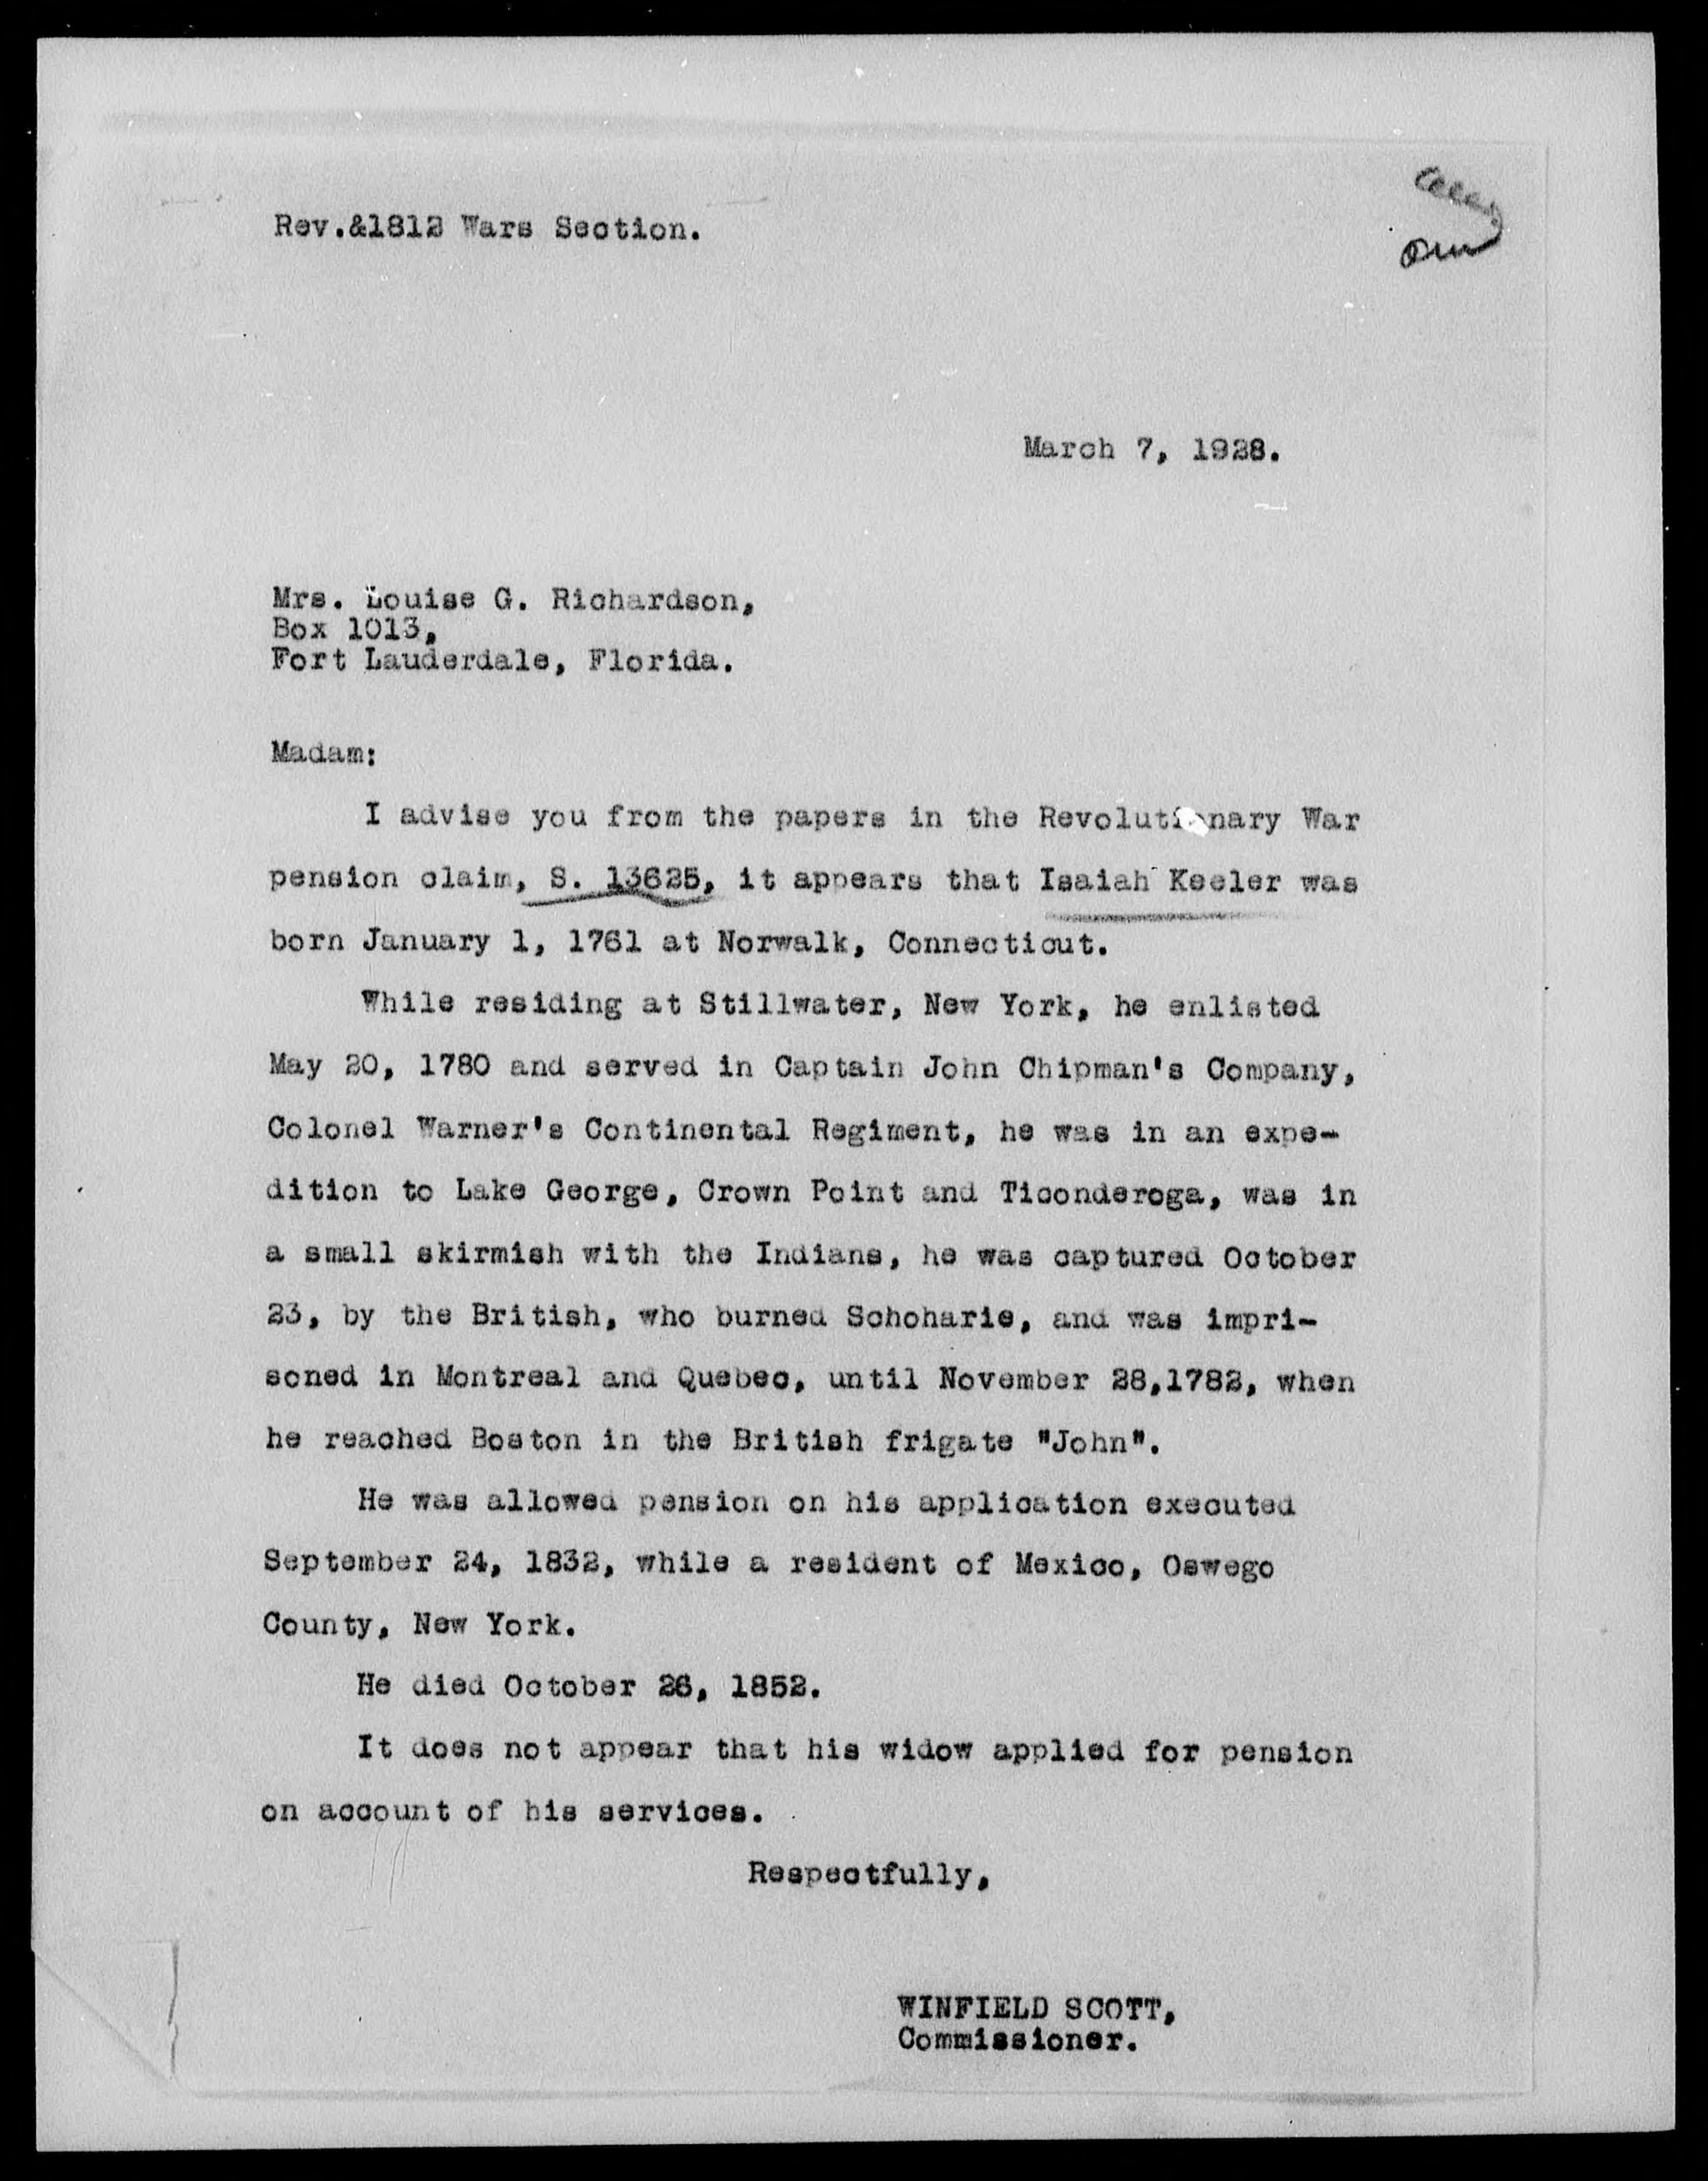Rev.&1812 Wars Section.
March 7, 1828.

Mrs. Louise G. Richardson,
Box 1013,
Fort Lauderdale, Florida,

Madam;

I advise you from the papers in the Revolutionary War pension claim, S. 13625, it appears that Isaiah Keeler was born January 1, 1781 at Norwalk, Connecticut. 
While residing at Stillwater, New York, he enlisted May 20, 1780 and served in Captain John Chipman's Company, Colonel Warner's Continental Regiment, he was in an expedition to Lake George, Crown Point and Ticonderoga, was in a small skirmish with the Indians, he was captured October 23, by the British, who burned Schoharie, and was imprisoned in Montreal and Quebec until November 28, 1782, when he reached Boston in the British frigate "John". 
He was allowed pension on his application executed September 24, 1832, while a resident of Mexico, Oswego County, New York. 
He died October 26, 1852. 
It does not appear that his widow applied for pension on account of his services.

Respectfully,
WINFIELD SCOTT,
Commissioner.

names: Louise G Richardson; Winfield Scott; Isaiah Keeler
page: 15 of 26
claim: survivor's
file: S. 13,625, for Isaiah Keeler, New York